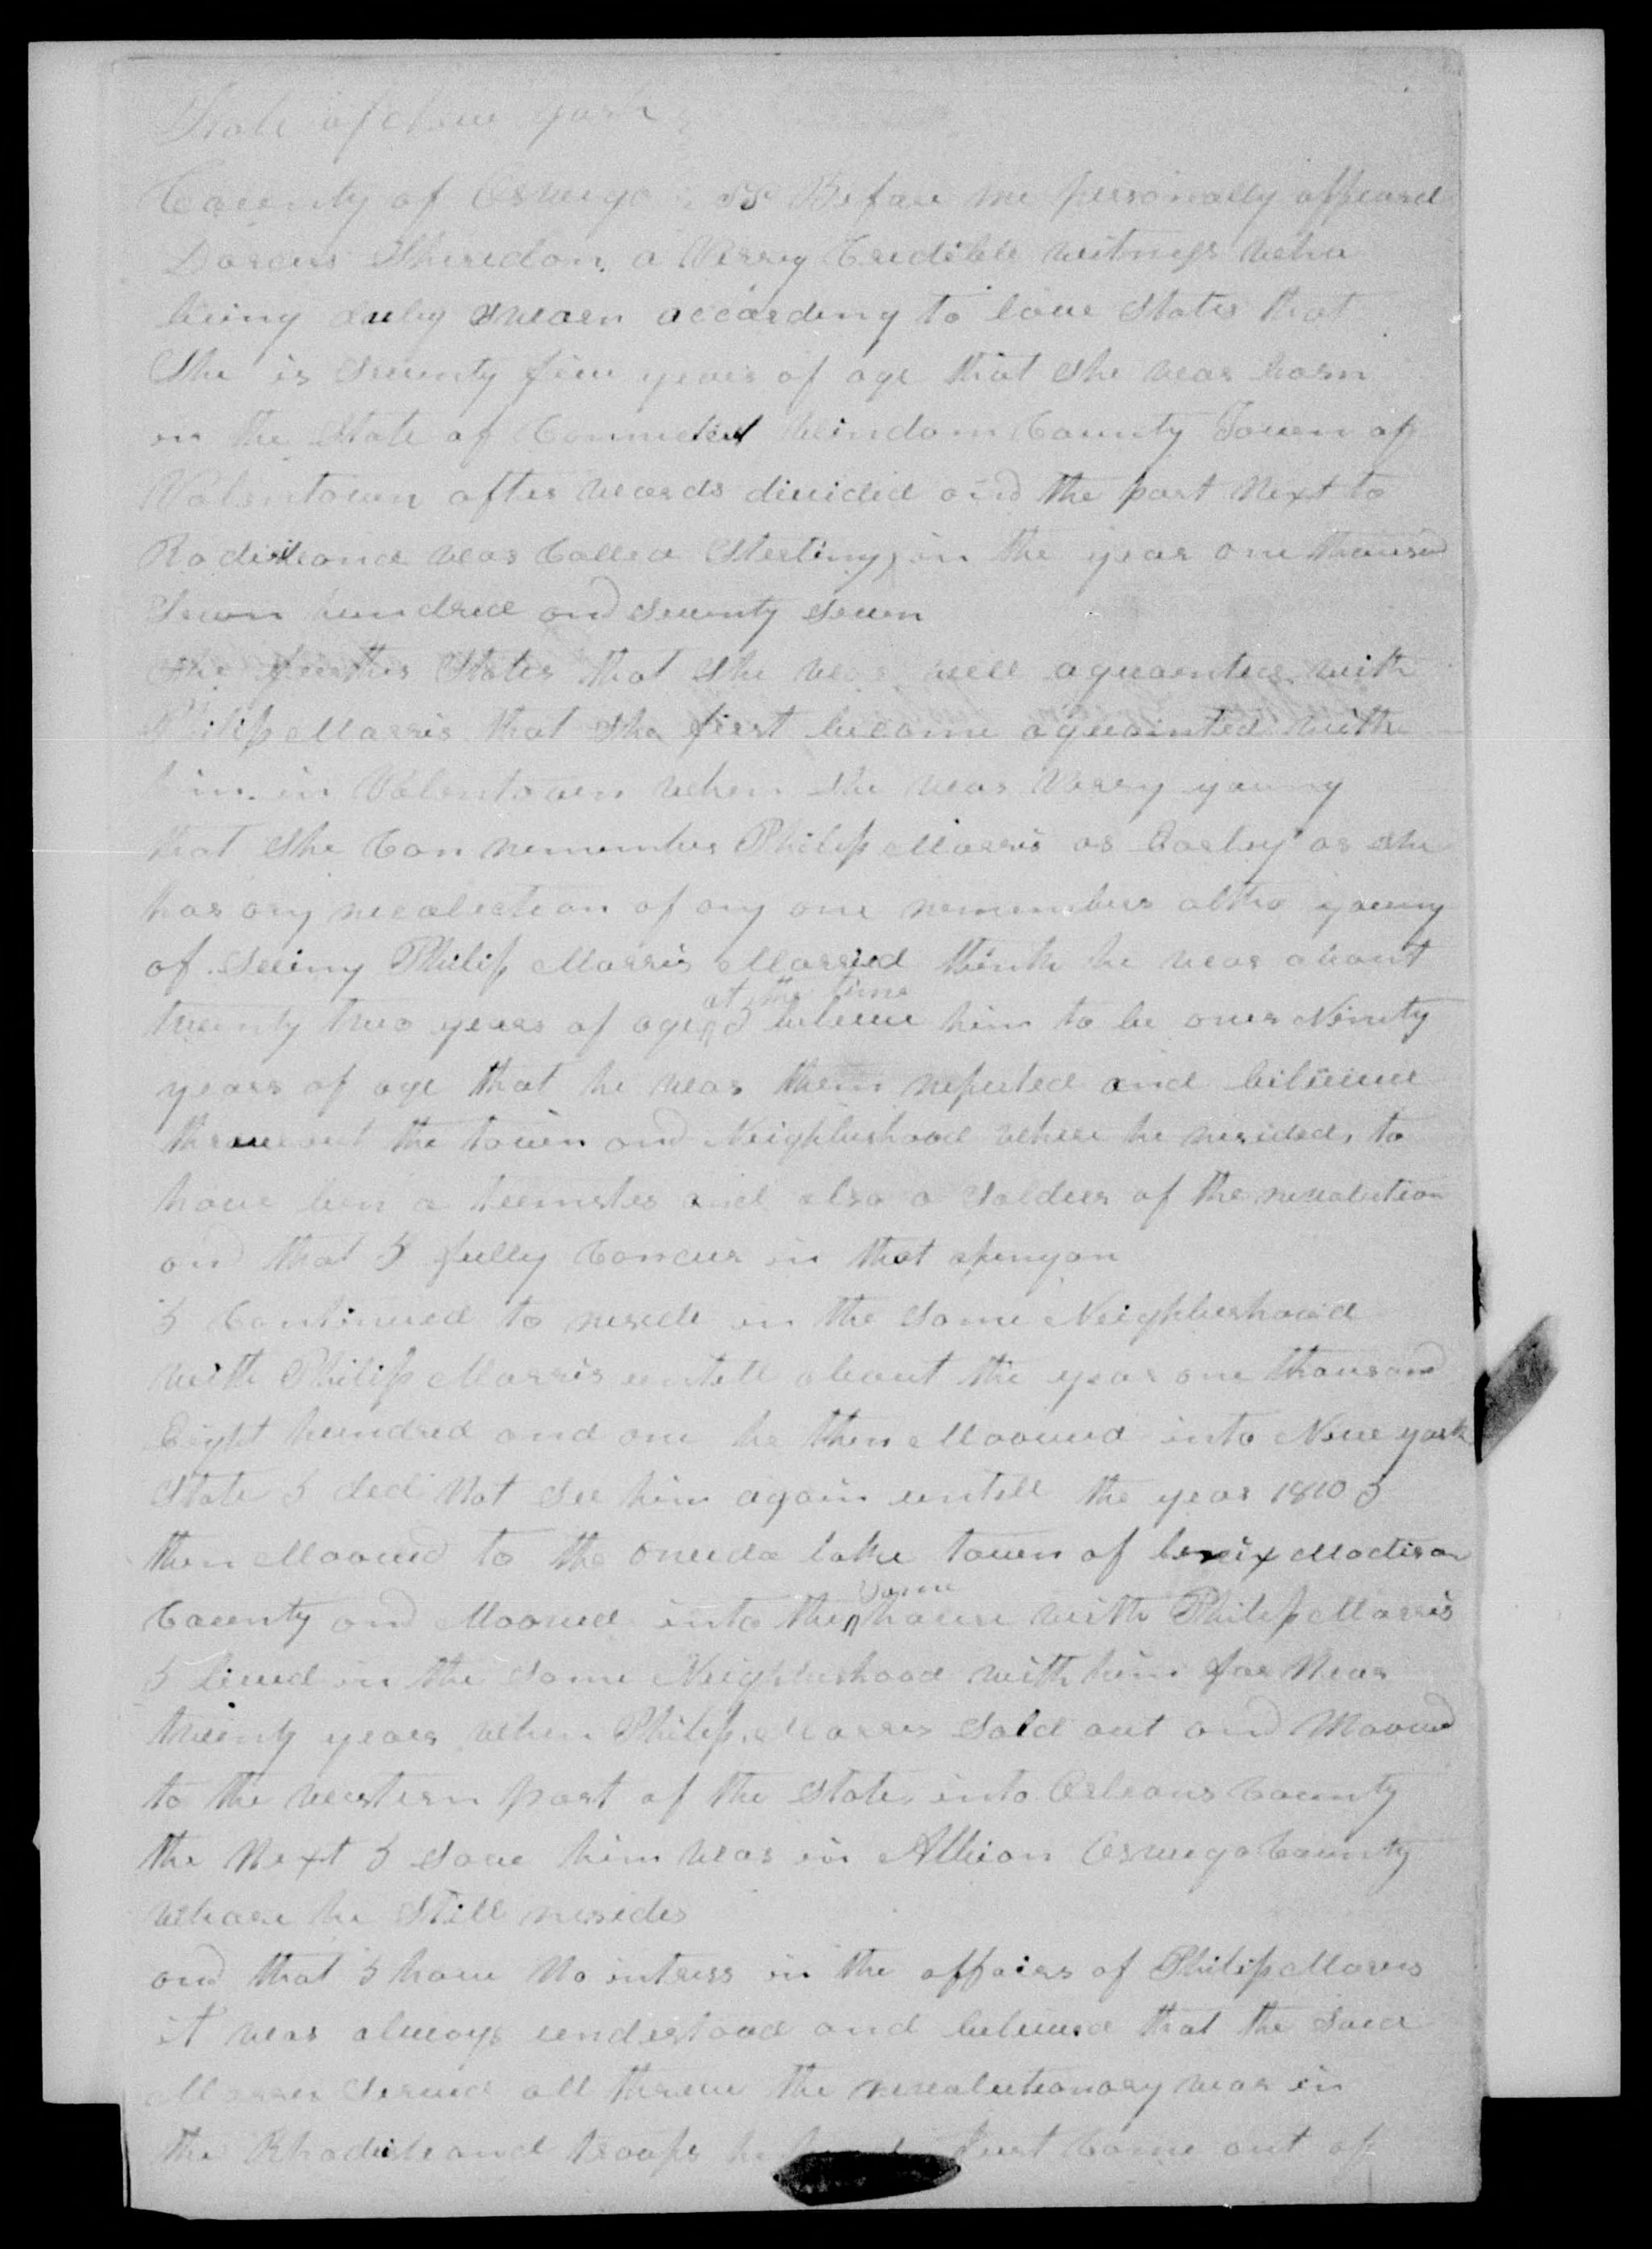State of New York
County of Oswego  SS    Before me personally appeared Dorcus Sheridan, a verily credible witness who being duly sworn according to law states that she is seventy-five years of age that she was born in the state of Connecticut, New London County, town of Volunstown after [unreadable] divided and the part next to Radiance was called Sterling in the year one thousand seven hundred and seventy seven.    
She further states that she was well acquainted with Philip Morris that she first became acquainted with him in Volunstown when she was very young, that she can remember Philip Morris as early as she has any recollection of any one, remembers although young of seeing Philip Morris married, think he was about twenty two years of age at the time.  I believe him to be over ninety years of age, that he was then reputed and believed throughout the town and neighborhood where he resided, to have been a teamster and also a soldier of the revolution and that I fully concur in that opinion.
I continued to reside in the same neighborhood with Philip Morris until about the year one thousand eight hundred and one, he then moved into New York state.  I did not see him again until the year 1810.  I then moved to the Oneida lake town of Lenox Madison County and moved into the [unreadable] house with Philip Morris.  I lived in the same neighborhood with him for near seventy years.  When Philip Morris sold out and moved to the western part of the state into Orleans County, the next I saw him was in Albion Oswego County where he still resides.  
And that I have no interest in the affairs of Philip Morris.  It was always understood that the said Morris served all through the Revolutionary War in the Rhode Island troops. He [unreadable] just came out of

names: Dorcus Sheridon; Philip Morris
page: 7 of 44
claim: survivor's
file: S. 28,815, for Philip Morris, Rhode Island